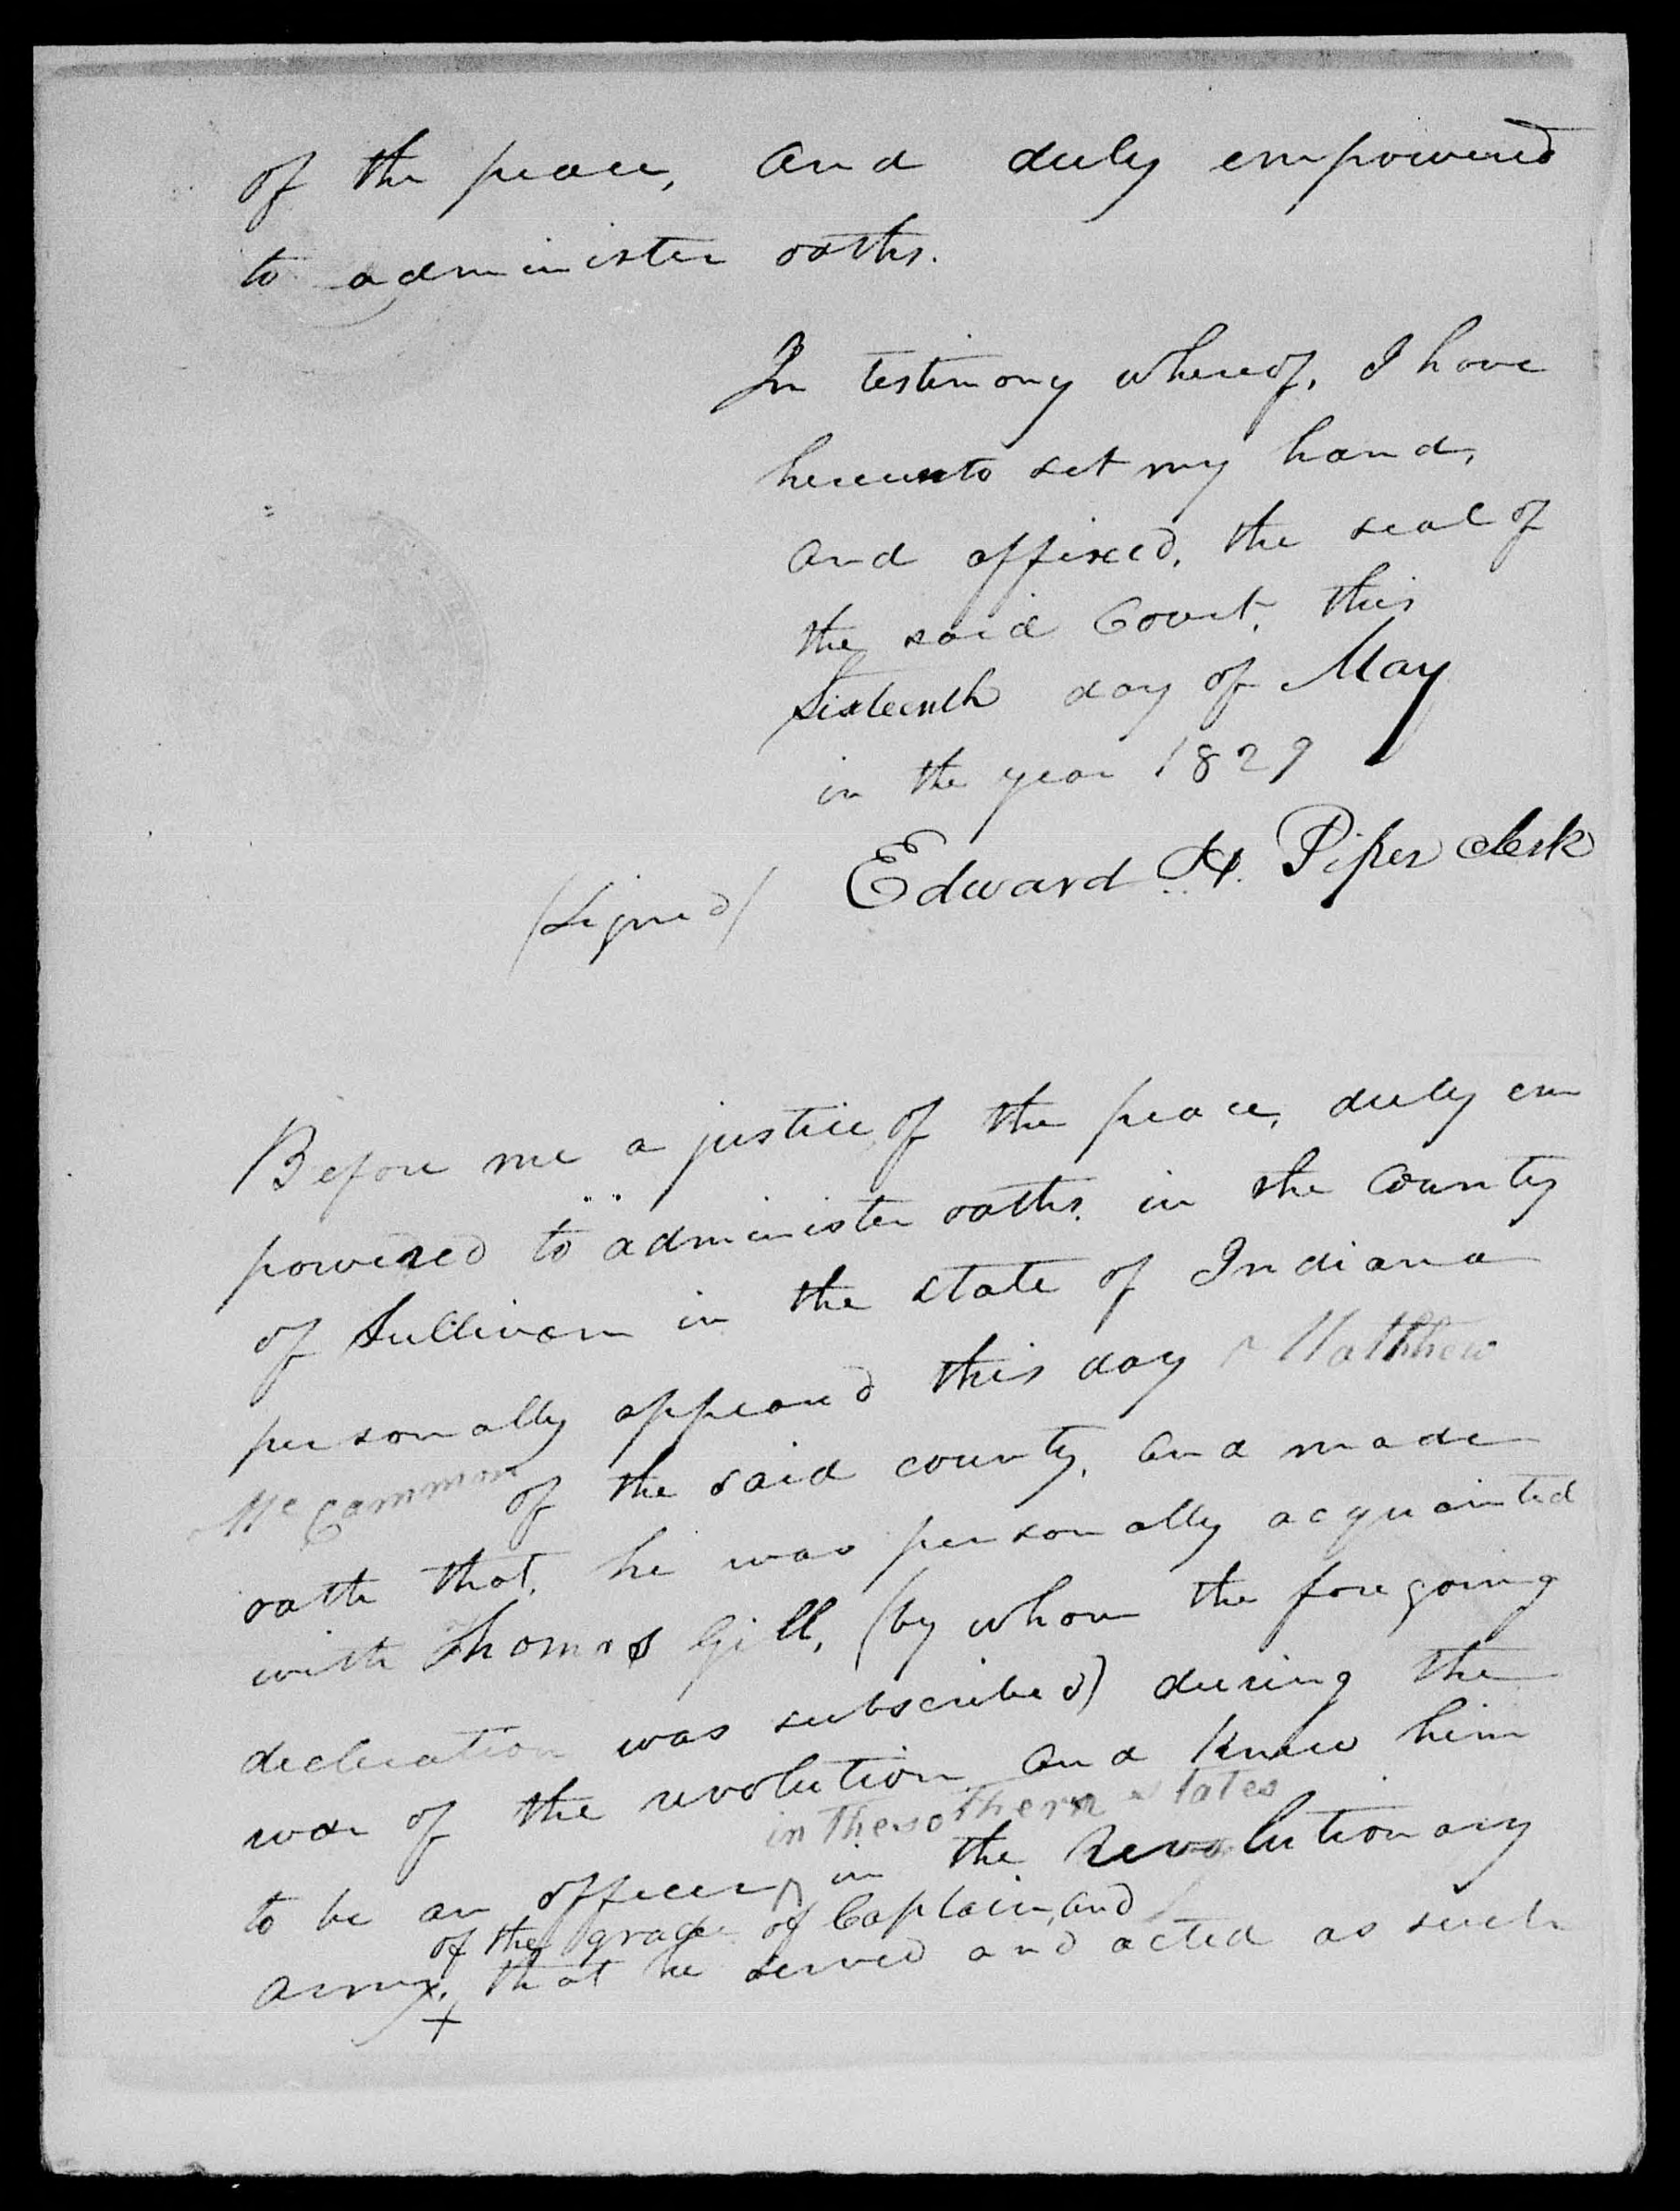of the peace , and duly empowered to administer oaths. In testimony whereof I have hereunto set my hand , and affixed the seal of the said Court this sixteenth day of May in the year 1829 .  Edward H Piper  ( signed / sealed ) clerk Before me a Justice of the peace duly empowered to administer oaths in the County of Sullivan in the  State of Indiana  personally appeared this day Matthew Mc Cammon of the said  County , and made oath that he was personally acquainted with  Thomas Gill, ( by whom the foregoing declaration  was subscribed ) during the  war of the revolution , and knew him to be an officer in the southern States in the Revolutionary  army of the grade of Captain and that he served and acted as such.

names: Thomas Gill, Matthew Mc Cammon, Edward H Piper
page: 27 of 44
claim: survivor's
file: S. 31,061, Thomas Gill, S.C.